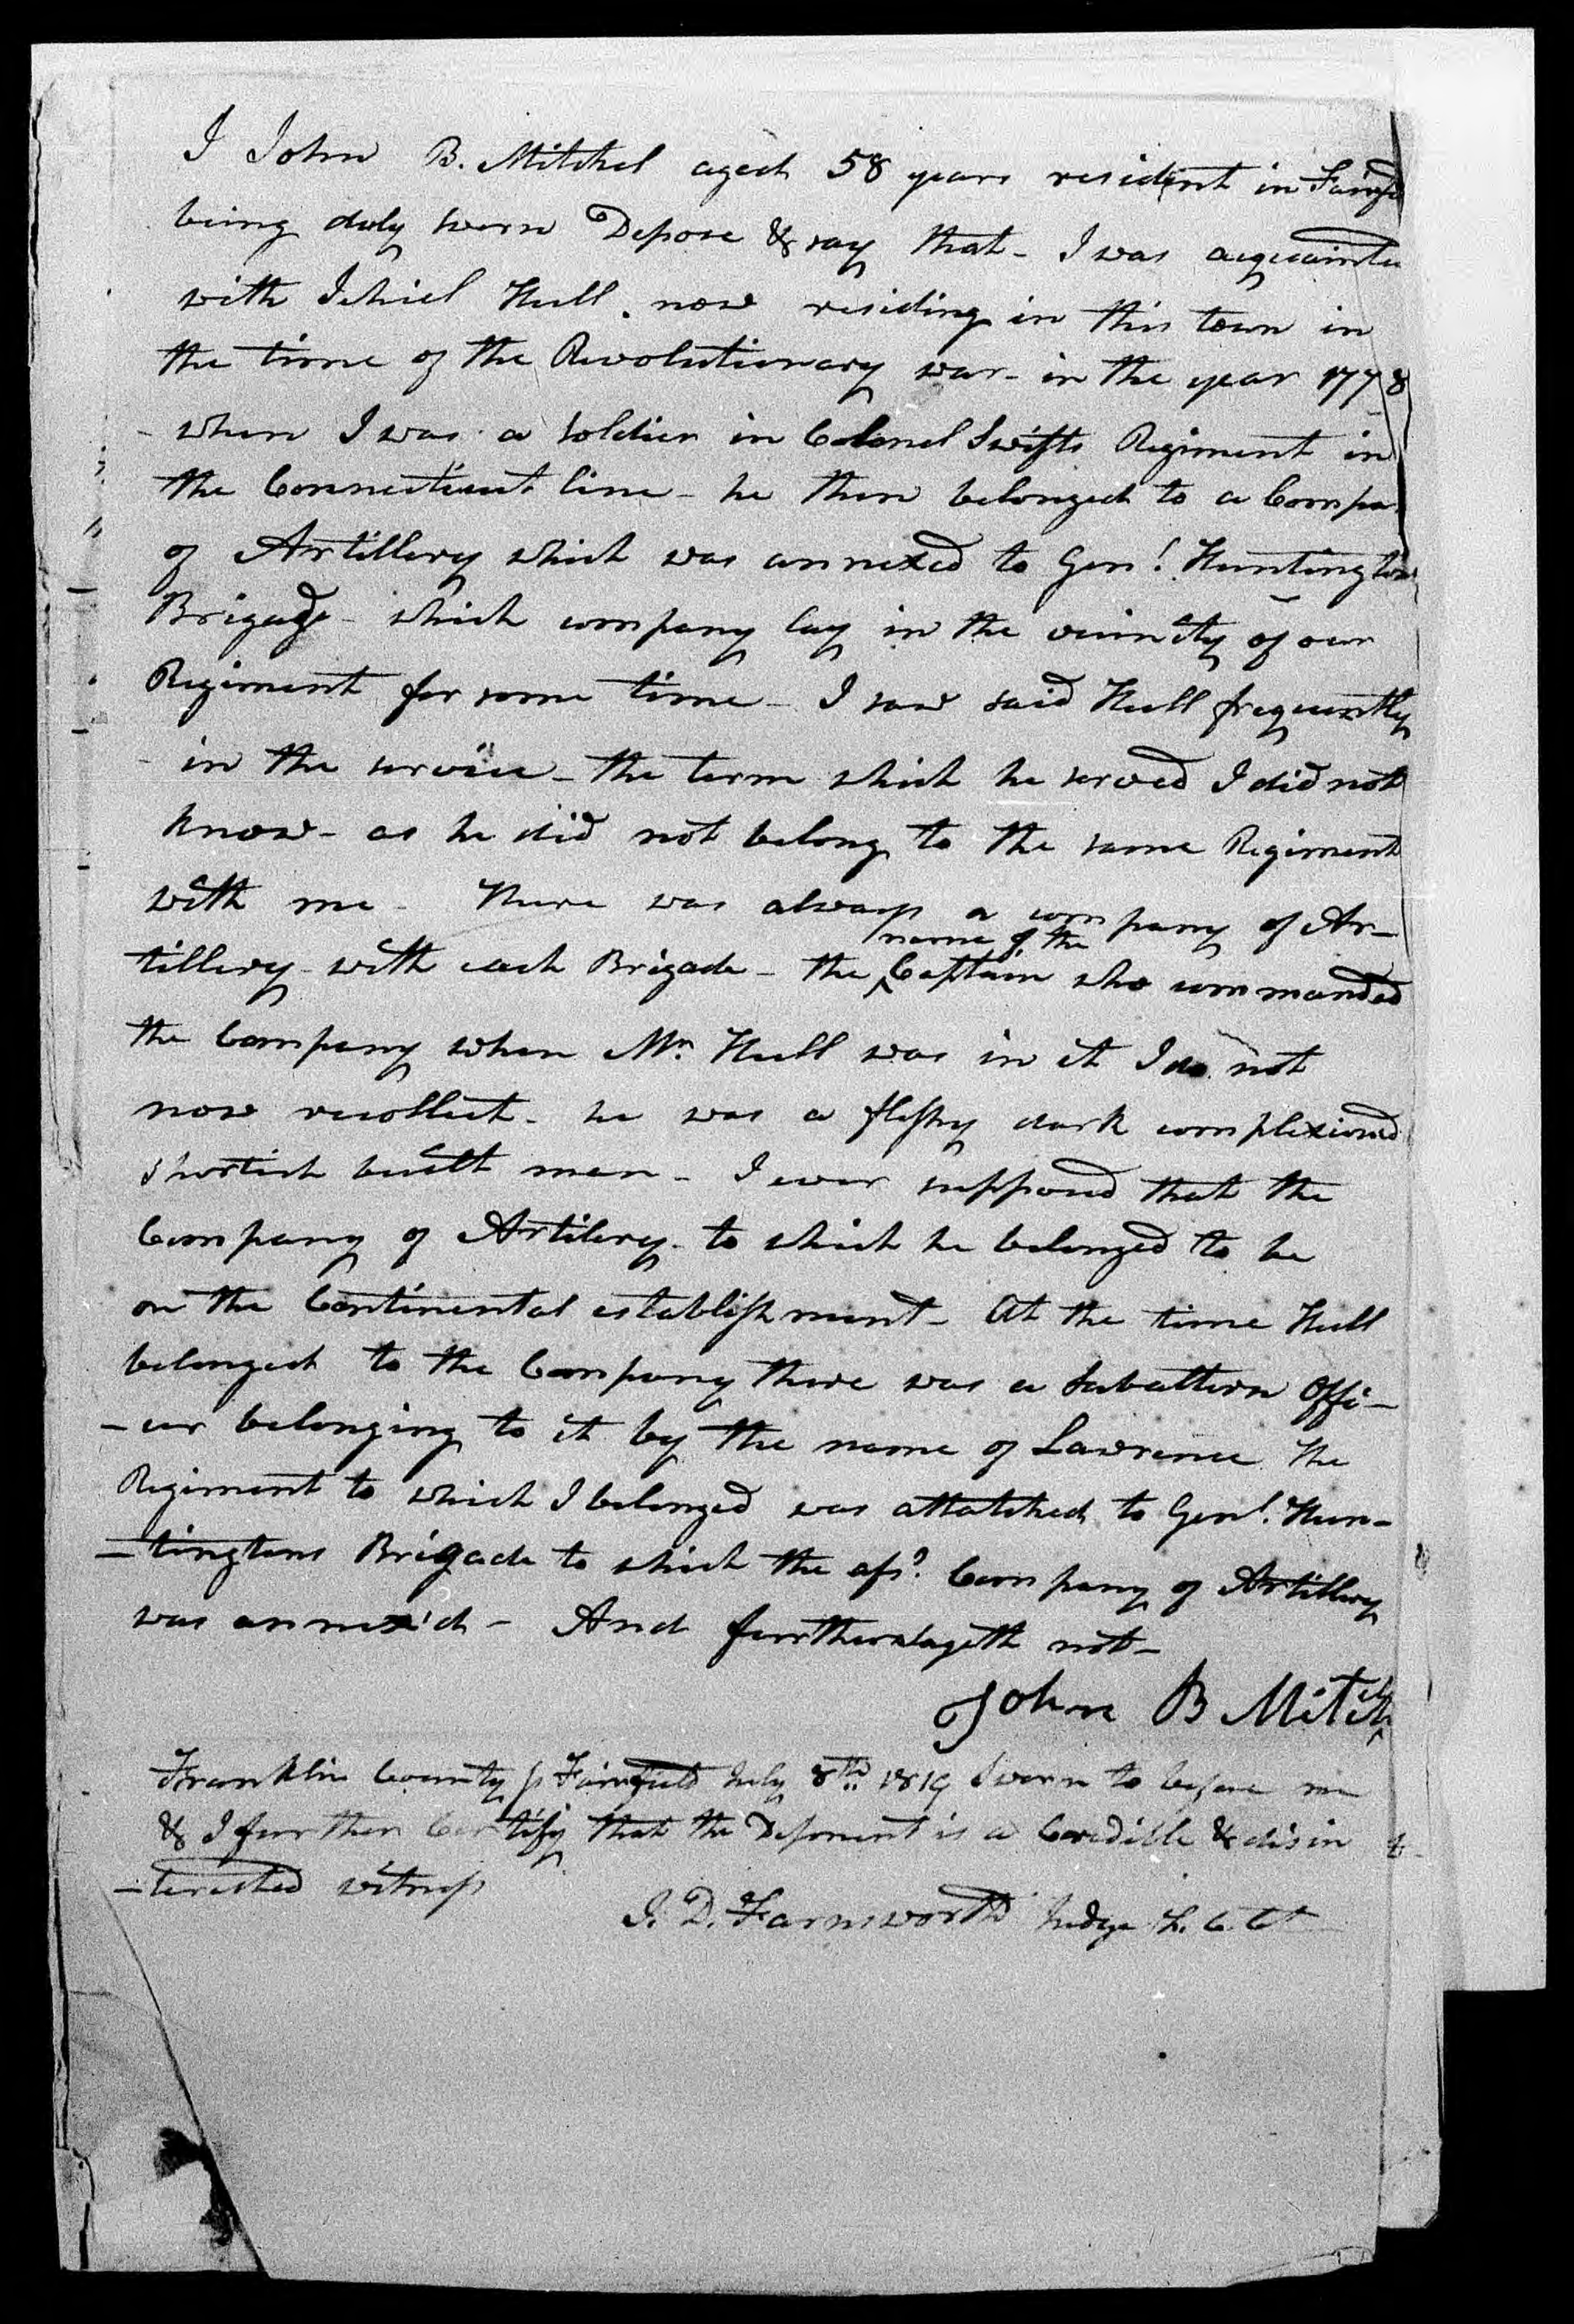I John B. Mitchel aged 58 years resident in Fairfield being duly sworn Depose & say that I was acquainted with Jehiel Hull. ILLEGIBLE residing in this town in the time of the Revolutionary war. in the year 1778 where I was a soldier in Colonel Swifts Regiment in the Connecticut lines- he then belonged to a Corporal of Artillery which was annexed to Gen Huntington's Brigade which company lay in the vicinity of our Regiment for some time - I [illegible] saw Hull frequently in the service - the term which he served I did not know - as he did not belong to the same Regiment with me. There was always a company of Artillery with each Brigade- The name of the Captain who commanded the company whom Mr. Hull was in it I do not now recollect. He was a filthy dark complexioned shortish [illegible] man- I ever supposed that the Company of Artillery to which he belonged to be on the Continental establishment. At the time Hull belonged to the Company there was a [illegible] Officer belonging to it by the name of Lawrence. The Regiment to which I belonged was attached to Gen. Huntington's Brigade to which the [illegible] ? Company of Artillery was [illegible] And further [illegible] [illegible] 
John B Mitchel
Franklin County of Fairfield July 8th 1819 Sworn to before me & I further then Certify that the Deformant is  a [illegible] [illegible] [illegible] 
J. D. Farnsworth Judge L. C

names: Jehiel Hull, John B Mitchel, J D Farnsworth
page: 38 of 58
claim: widow's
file: W. 25813, Jehiel Hull, Conn.